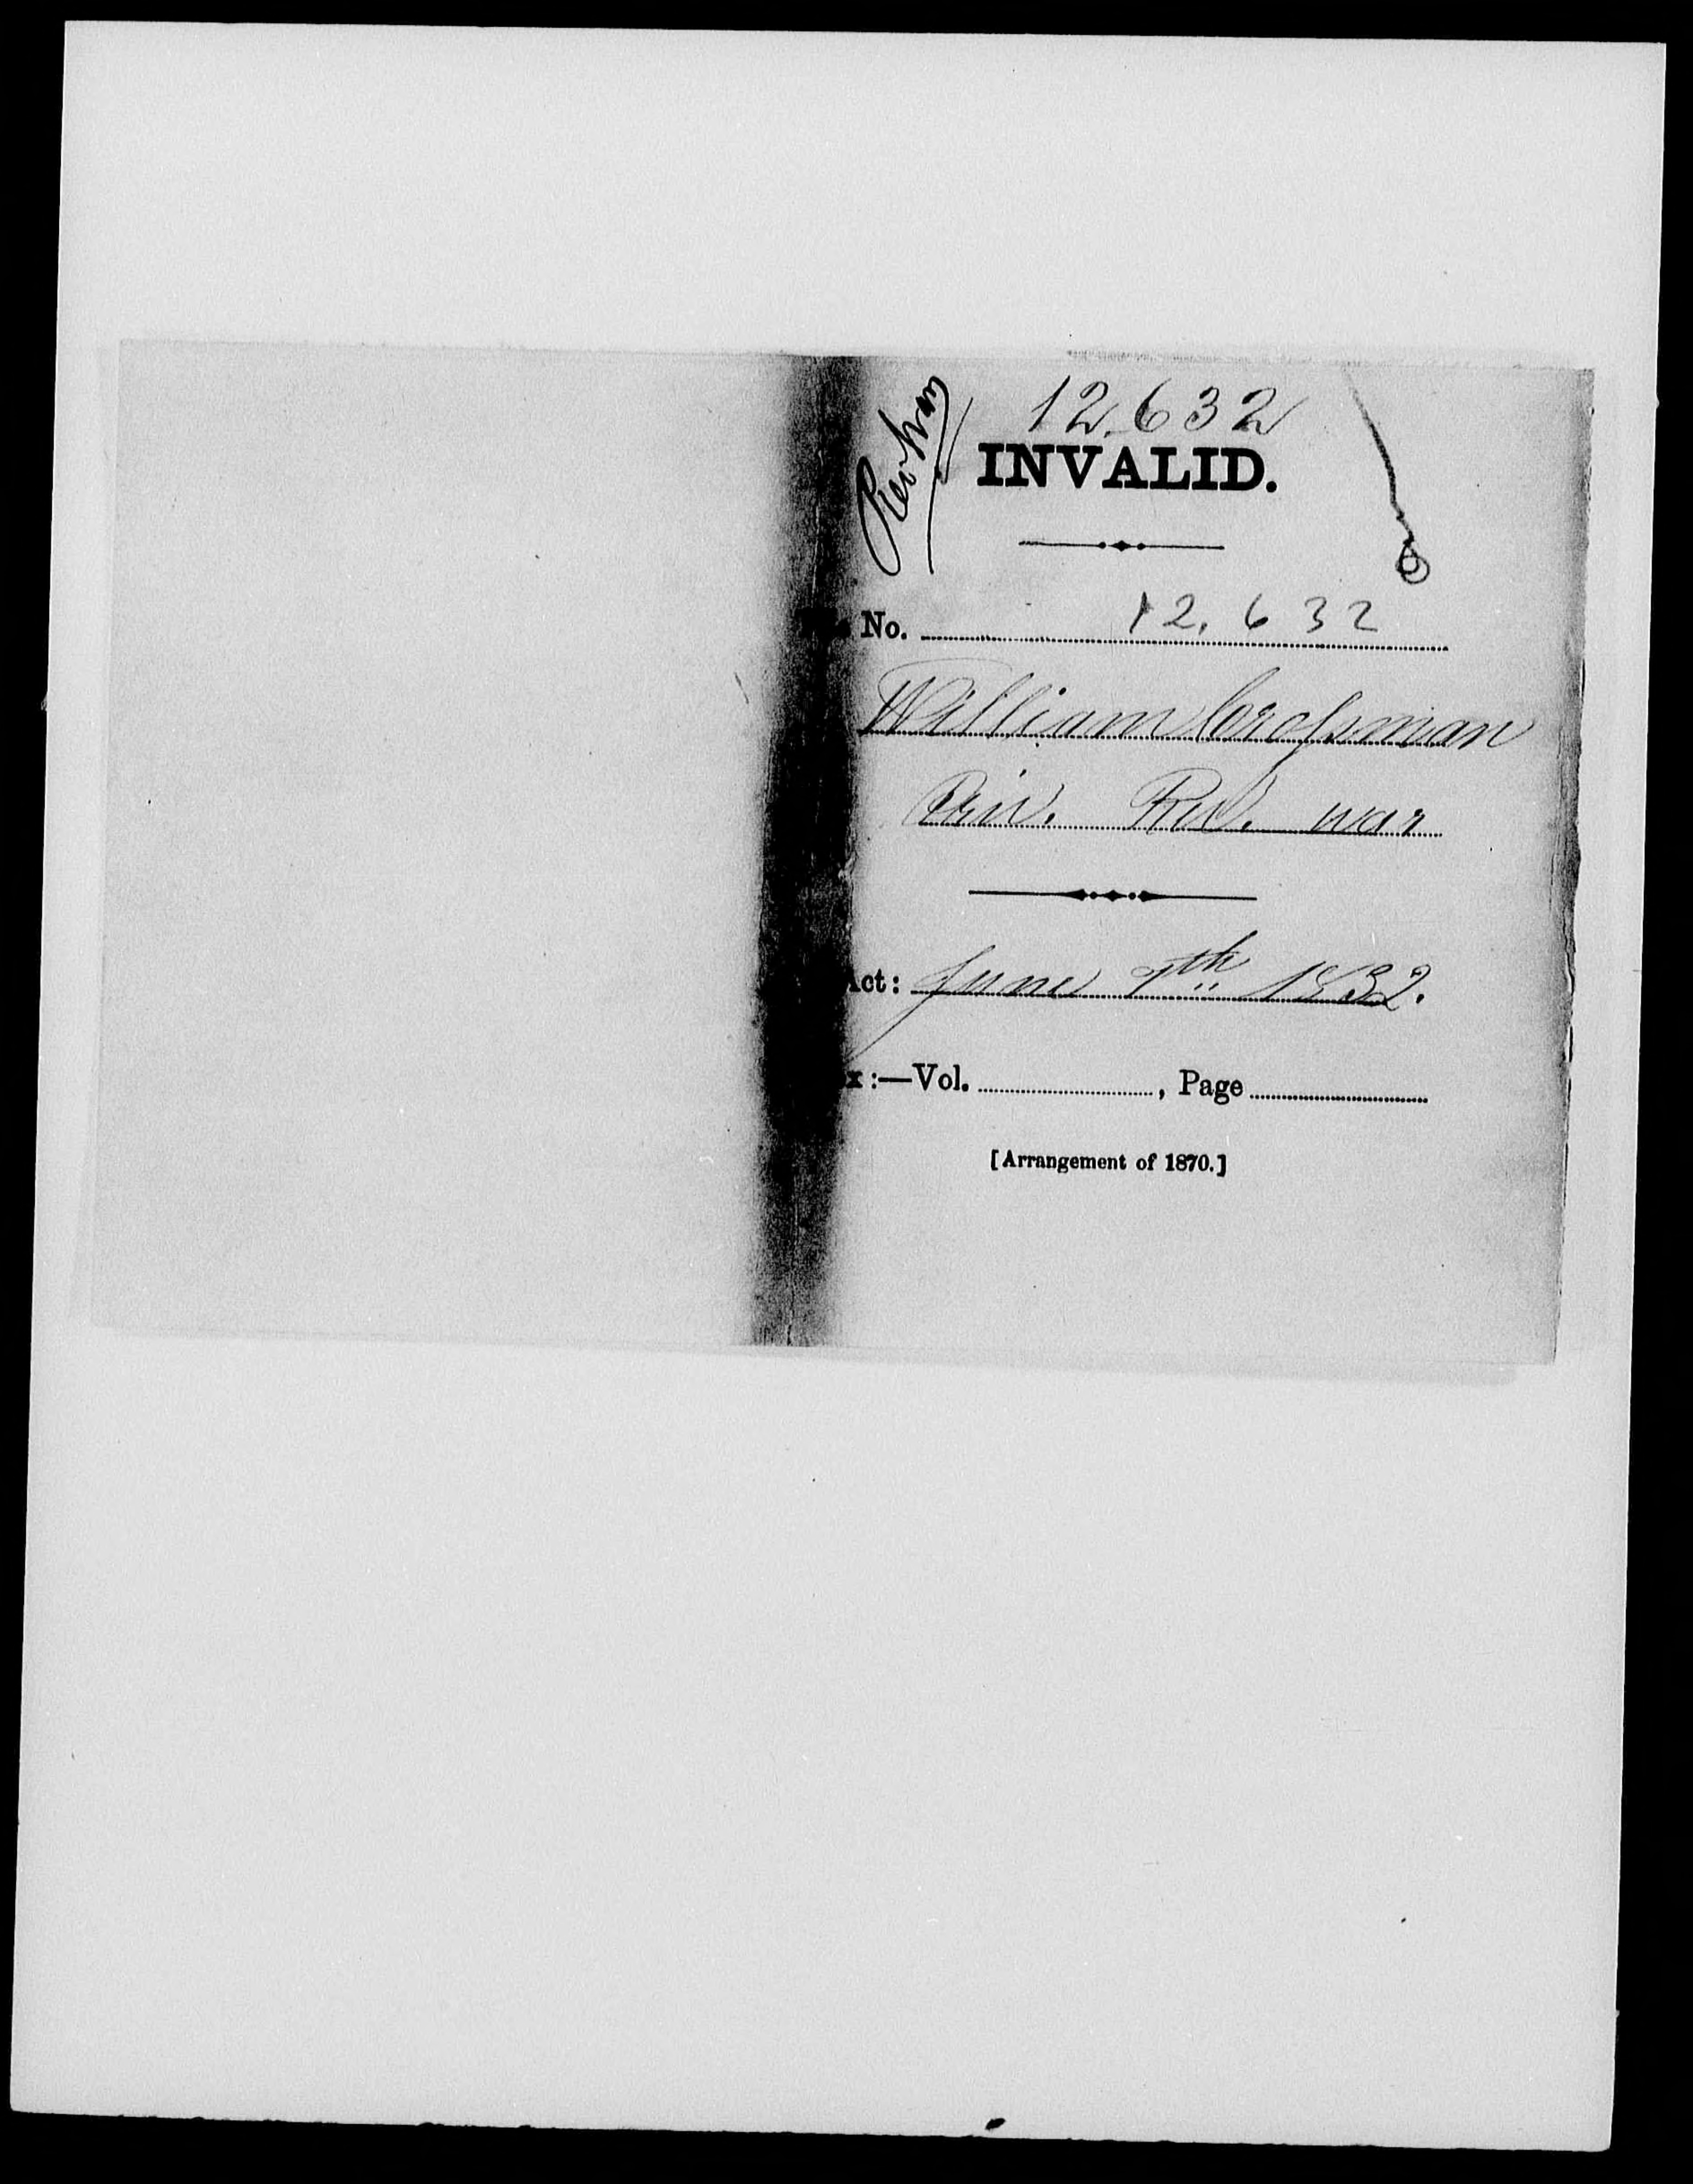Rev War
12632
INVALID. [initials: ow]
No. 12,632
William Crossman 
Priv. Rev. war
______
Act: June 7th 1832.
Index: - Vol. [blank], Page [blank]
[Arrangement of 1870.]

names: William Crossman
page: 14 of 33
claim: survivor's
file: S. 12632, William Crossman, Mass. Vt.